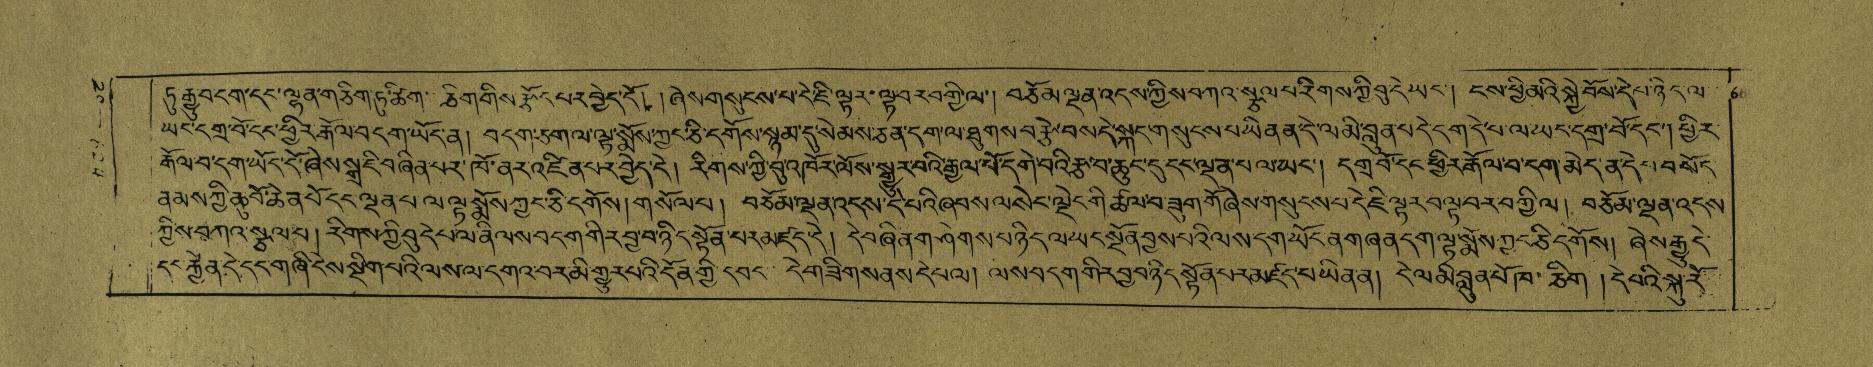ཏུ་རྒྱུ་བ་དག་དང་ལྷན་གཅིག་ཏུ་ཚིག་ཅིག་གིས་རྩོད་པར་བྱེད་དོ། །ཞེས་གསུངས་པ་དེ་ཇི་ལྟར་ལྟ་བར་བགྱི་ལ། བཅོམ་ལྡན་འདས་ཀྱིས་བཀའ་སྩལ་པ་རིགས་ཀྱི་བུ་དེ་ཡང་། ངས་ཕྱི་མའི་སྐྱེ་བོས་དེ་པ་ཉིད་ལ་
ཡང་དགྲ་བོ་དང་ཕྱིར་རྒོལ་བ་དག་ཡོད་ན། བདག་ཅག་ལ་ལྟ་སྨོས་ཀྱང་ཅི་དགོས་སྙམ་དུ་སེམས་ཅན་དག་ལ་ཐུགས་བརྩེ་བས་དེ་སྐད་གསུངས་པ་ཡིན་ན་དེ་ལ་མི་བླུན་པ་དེ་དག་དེ་པ་ལ་ཡང་དགྲ་བོ་དང་། ཕྱིར་
རྒོལ་བ་དག་ཡོད་དོ་ཞེས་སྒྲ་ཇི་བཞིན་པར་ཁོ་ནར་འཛིན་པར་བྱེད་དེ། རིགས་ཀྱི་བུ་འཁོར་ལོས་སྒྱུར་བའི་རྒྱལ་པོ་དགེ་བའི་རྩ་བ་ཆུང་དུ་དང་ལྡན་པ་ལ་ཡང་། དགྲ་བོ་དང་ཕྱིར་རྒོལ་བ་དག་མེད་ན་དེ་པ་བསོད་
ནམས་ཀྱི་ཆུ་བོ་ཆེན་པོ་དང་ལྡན་པ་ལ་ལྟ་སྨོས་ཀྱང་ཅི་དགོས། གསོལ་བ། བཅོམ་ལྡན་འདས་དེ་པའི་ཞབས་ལ་སེང་ལྡེང་གི་ཚལ་བ་ཟུག་གོ་ཞེས་གསུངས་པ་དེ་ཇི་ལྟར་བལྟ་བར་བགྱི་ལ། བཅོམ་ལྡན་འདས་
ཀྱིས་བཀའ་སྩལ་པ། རིགས་ཀྱི་བུ་དེ་པ་ལ་ནི་ལས་བདག་གིར་བྱ་བ་ཉིད་སྟོན་པར་མཛད་དེ། དེ་བཞིན་གཤེགས་པ་ཉིད་ལ་ཡང་སྔོན་བྱས་པའི་ལས་དག་ཡོང་ན་གཞན་དག་ལྟ་སྨོས་ཀྱང་ཅི་དགོས། ཞེས་རྒྱུ་དེ་
དང་རྐྱེན་དེ་དང་གཞི་ངེས་སྡིག་པའི་ལས་ལ་དགའ་བར་མི་གྱུར་པའི་དོན་གྱི་དབང་དེ་གཟིགས་ནས་དེ་པ་ལ། ལས་བདག་གིར་བྱ་བ་ཉིད་སྟོན་པར་མཛད་པ་ཡིན་ན། དེ་ལ་མི་བླུན་པོ་ཁ་ཅིག། དེ་བའི་སྐུ་རོ་